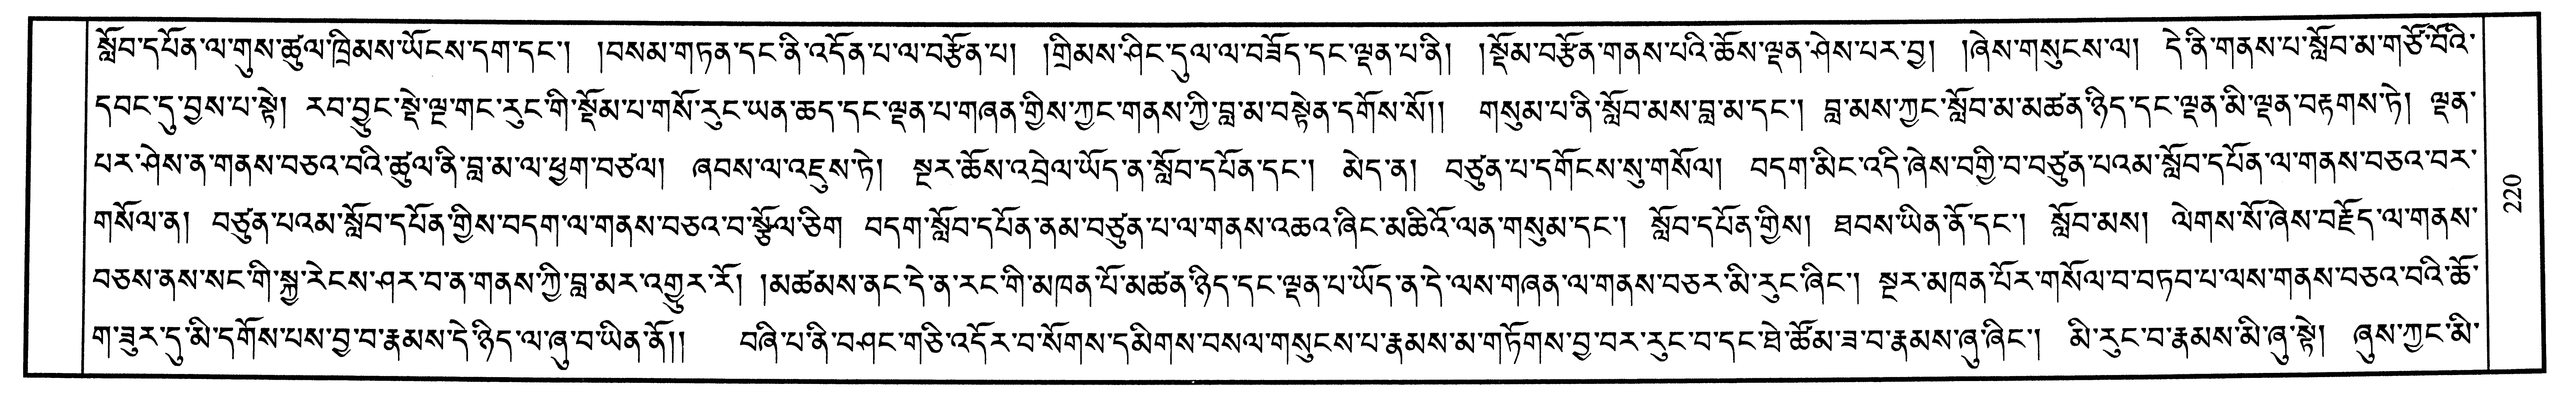སློབ་དཔོན་ལ་གུས་ཚུལ་ཁྲིམས་ཡོངས་དག་དང་། །བསམ་གཏན་དང་ནི་འདོན་པ་ལ་བརྩོན་པ། །གྲིམས་ཤིང་དུལ་ལ་བཟོད་དང་ལྡན་པ་ནི། །སྡོམ་བརྩོན་གནས་པའི་ཆོས་ལྡན་ཤེས་པར་བྱ། །ཞེས་གསུངས་ལ། དེ་ནི་གནས་པ་སློབ་མ་གཙོ་བོའི་
དབང་དུ་བྱས་པ་སྟེ། རབ་བྱུང་སྡེ་ལྔ་གང་རུང་གི་སྡོམ་པ་གསོ་རུང་ཡན་ཆད་དང་ལྡན་པ་གཞན་གྱིས་ཀྱང་གནས་ཀྱི་བླ་མ་བསྟེན་དགོས་སོ།། གསུམ་པ་ནི་སློབ་མས་བླ་མ་དང་། བླ་མས་ཀྱང་སློབ་མ་མཚན་ཉིད་དང་ལྡན་མི་ལྡན་བརྟགས་ཏེ། ལྡན་
པར་ཤེས་ན་གནས་བཅའ་བའི་ཚུལ་ནི་བླ་མ་ལ་ཕྱག་བཙལ། ཞབས་ལ་འཇུས་ཏེ། སྔར་ཆོས་འབྲེལ་ཡོད་ན་སློབ་དཔོན་དང་། མེད་ན། བཙུན་པ་དགོངས་སུ་གསོལ། བདག་མིང་འདི་ཞེས་བགྱི་བ་བཙུན་པའམ་སློབ་དཔོན་ལ་གནས་བཅའ་བར་
གསོལ་ན། བཙུན་པའམ་སློབ་དཔོན་གྱིས་བདག་ལ་གནས་བཅའ་བ་སྩོལ་ཅིག །བདག་སློབ་དཔོན་ནམ་བཙུན་པ་ལ་གནས་འཆའ་ཞིང་མཆིའོ་ལན་གསུམ་དང་། སློབ་དཔོན་གྱིས། ཐབས་ཡིན་ནོ་དང་། སློབ་མས། ལེགས་སོ་ཞེས་བརྗོད་ལ་གནས་
བཅས་ནས་སང་གི་སྐྱ་རེངས་ཤར་བ་ན་གནས་ཀྱི་བླ་མར་འགྱུར་རོ། །མཚམས་ནང་དེ་ན་རང་གི་མཁན་པོ་མཚན་ཉིད་དང་ལྡན་པ་ཡོད་ན་དེ་ལས་གཞན་ལ་གནས་བཅར་མི་རུང་ཞིང་། སྔར་མཁན་པོར་གསོལ་བ་བཏབ་པ་ལས་གནས་བཅའ་བའི་ཆོ་
ག་ཟུར་དུ་མི་དགོས་པས་བྱ་བ་རྣམས་དེ་ཉིད་ལ་ཞུ་བ་ཡིན་ནོ།། བཞི་པ་ནི་བཤང་གཅི་འདོར་བ་སོགས་དམིགས་བསལ་གསུངས་པ་རྣམས་མ་གཏོགས་བྱ་བར་རུང་བ་དང་ཐེ་ཚོམ་ཟ་བ་རྣམས་ཞུ་ཞིང་། མི་རུང་བ་རྣམས་མི་ཞུ་སྟེ། ཞུས་ཀྱང་མི་